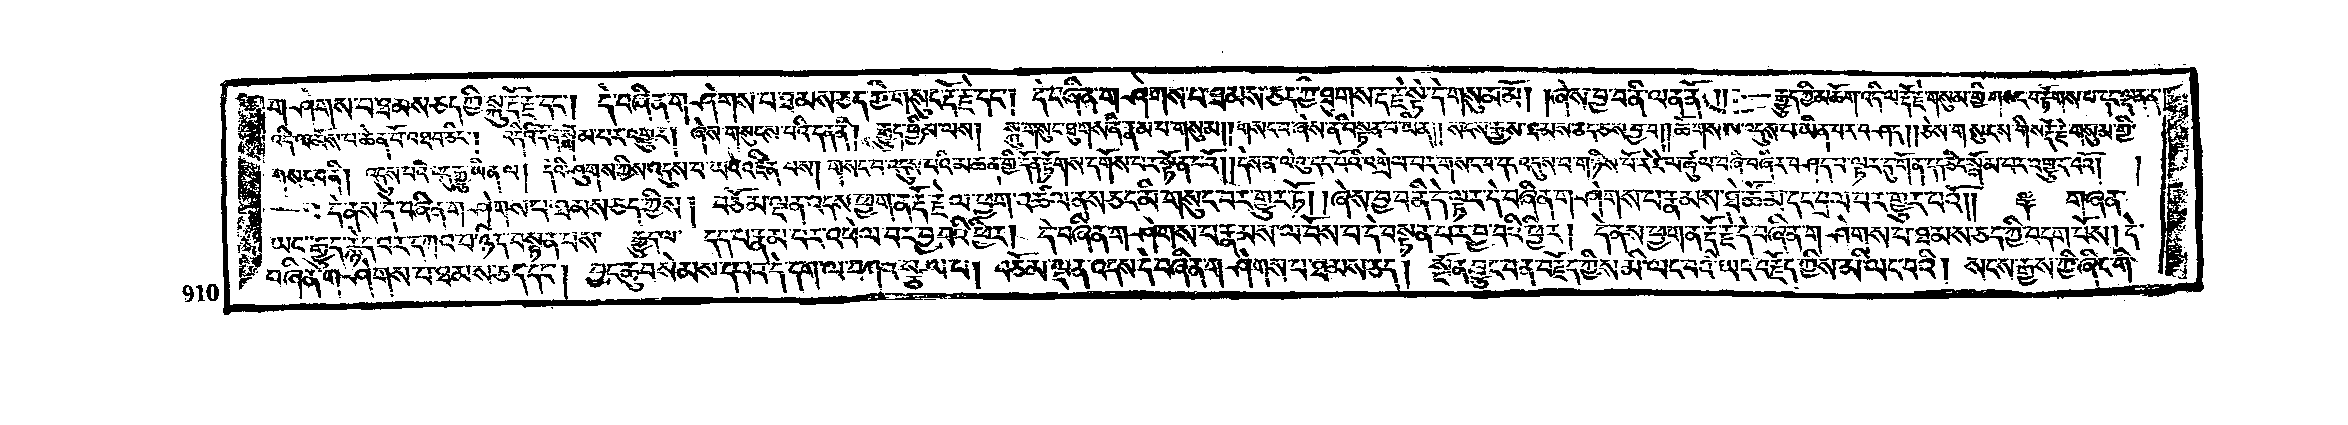གཤེགས་པ་ཐམས་ཅད་ཀྱི་སྐུ་རྡོ་རྗེ་དང་། དེ་བཞིན་གཤེགས་པ་ཐམས་ཅད་ཀྱི་གསུང་རྡོ་རྗེ་དང་། དེ་བཞིན་བཤེགས་པ་ཐམས་ཅད་ཀྱི་ཐུགས་རྡོ་རྗེ་སྟེ་དེ་གསུམ་མོ། །ཞེས་བྱ་བ་ནི་ལན་ནོ།། རྒྱུད་ཀྱི་མཆོག་འདི་ལ་རྡོ་རྗེ་གསུམ་གྱི་གསང་བ་རྟོགས་པ་དང་ལྡན་ན་
འདི་ལ་མོས་པ་ཆེན་པོ་འཐབ་ཅིང་། འདིའི་དོན་སྒོམ་པར་འགྱུར། ཞེས་གསུངས་པའི་དོན་ནོ། རྒྱུད་ཕྱི་མ་ལས། སྐུ་གསུངས་ཐུགས་ནི་རྣམ་པ་གསུམ། །གསང་བ་ཞེས་ནི་བསྟན་པ་ཡིན། །སངས་རྒྱས་ཐམས་ཅད་ཅེས་བྱ་བ། །ཚོགས་པ་འདུས་པ་ཡིན་པར་བཤད། །ཅེས་གསུངས་གིས་རྡོ་རྗེ་གསུམ་གྱི་
གསང་བ་ནི། འདུས་པའི་འདུ་རྒྱུ་ཡིན་ལ། དེའི་ཤུགས་ཀྱིས་འདུས་པ་ཡང་འཛིན་པས། གསང་བ་འདུས་པའི་མཚན་གྱི་དོན་རྟོགས་དགོས་པར་སྟོན་པའོ། །དེས་ན་ལེའུ་དང་པོའི་འགྲེལ་པར་གསང་བ་དང་འདུས་པ་གཉིས་པོ་རེ་རེ་ལ་ཚུལ་བཞི་བཞིར་བཤད་པ་ལྟར་དུ་གོ་ན་དད་ཅིང་སྒོམ་པར་འགྱུར་བའོ། །
.Hདེ་ནས་དེ་བཞིན་གཤེགས་པ་ཐམས་ཅད་ཀྱིས། བཅོམ་ལྡན་འདས་ཕྱག་ན་རྡོ་རྗེ་ལ་ཕྱག་འཚལ་ནས་ཅང་མི་གསུང་བར་གྱུར་ཏོ། །ཞེས་བྱ་བ་ནི་དེ་ལྟར་དེ་བཞིན་གཤེགས་པ་རྣམས་ཐེ་ཚོམ་དང་བྲལ་བར་གྱུར་པའོ།། ༈ གཞན་
ཡང་རྒྱུད་རྙེད་པར་དཀའ་བ་ཉིད་བསྟན་པས། རྒྱུད་ལ་དད་པ་རྣམ་པར་འཕེལ་བར་བྱ་བའི་ཕྱིར། དེ་བཞིན་གཤེགས་པ་རྣམས་ལ་བོས་པ་དེ་བསྟན་པར་བྱ་བའི་ཕྱིར། དེ་ནས་ཕྱག་ན་རྡོ་རྗེ་དེ་བཞིན་གཤེགས་པ་ཐམས་ཅད་ཀྱི་བདག་པོས། དེ་
བཞིན་གཤེགས་པ་ཐམས་ཅད་དང་། བྱང་ཆུབ་སེམས་དཔའ་དེ་དག་ལ་བཀའ་སྩལ་པ། བཅོམ་ལྡན་འདས་དེ་བཞིན་གཤེགས་པ་ཐམས་ཅད། སྔོན་བྱུང་བ་ན་བརྗོད་ཀྱིས་མིང་ལང་བའི་ཡང་བརྗོད་ཀྱིས་ལང་བའི། སངས་རྒྱས་ཀྱི་ཞིང་གི་